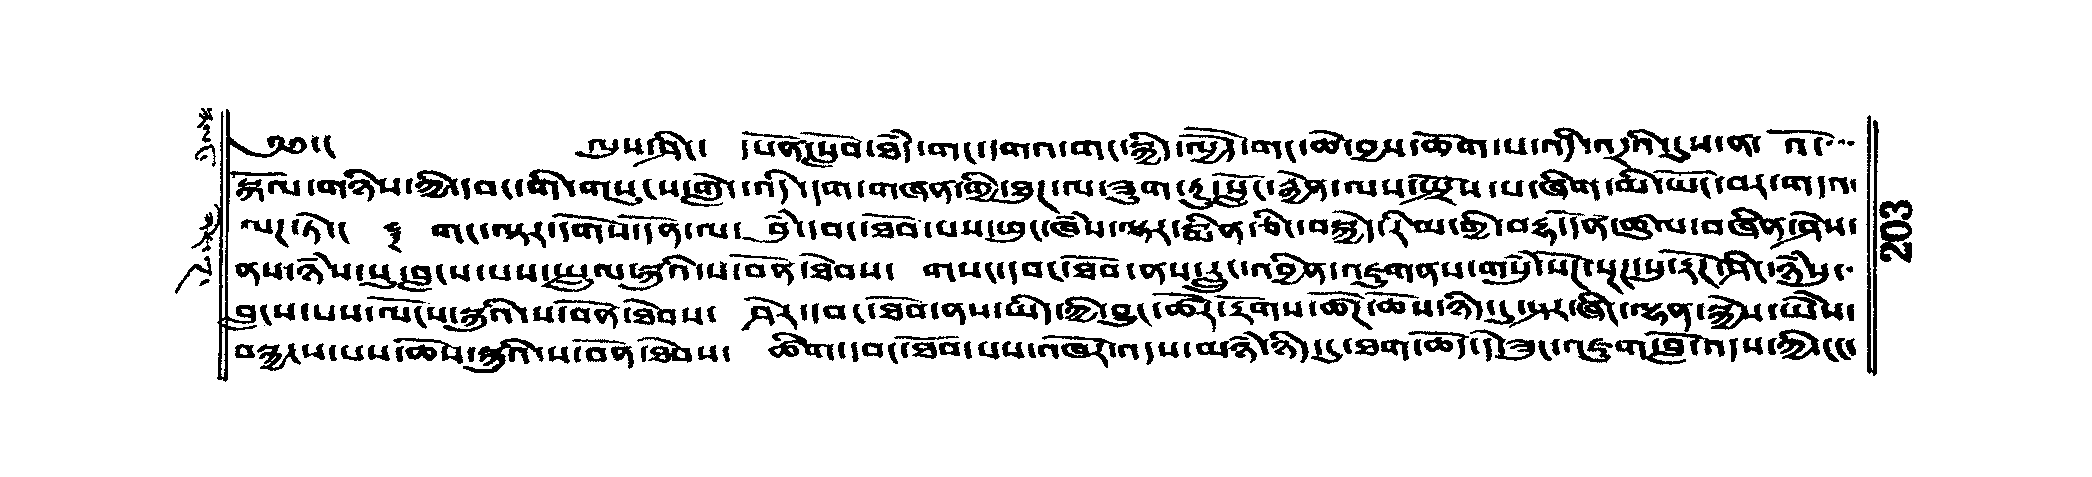ལུས་ཤིང་། དཔོན་སློབ་ཐམས་ཅད་གང་དགའ་གང་སྐྱིད་ལོངས་སྤྱོད་གང་ཆེ་བྱས་ཆོག་པ་འདི་འདྲའི་དུས་ན། འོ་
སྐོལ་གཉིས་ཀྱི་དབང་གི་གསུངས་གླེང་འདི་དག་གཞན་གྱི་ཐུགས་ལ་ཟུག་ངུ་སློང་རྐྱེན་ལས་སྤྲོས་པ་ཞིག་མི་ཡོང་བར་གདའ་
ལགས་ཏེ། གང་ལྟར་དགོས་དོན་ལ། བུམ་དབང་ཐོབ་པས་ཕུང་ཁམས་ལྷར་སྨིན་ཅིང་བསྐྱེད་རིམ་གྱི་བརྡ་དོན་ཚུལ་བཞིན་ཤེས་
ནས་ཉམས་སུ་བླངས་པས་སྤྲུལ་སྐུའི་ས་བོན་ཐེབས། གསང་དབང་ཐོབ་ནས་རླུང་འབྱིན་འཇུག་གནས་གསུམ་སོགས་སྔགས་སུ་རྟོགས་ཤིང་ཉམས་སུ་
བླངས་པས་ལོངས་སྐུའི་ས་བོན་ཐེབས། ཤེར་དབང་ཐོབ་ནས་ཡིད་ཀྱི་བྱུང་ཚོར་རྟོག་ཚོགས་ཆོས་ཉིད་དུ་ཤར་ཞིང་ལྷན་སྐྱེས་ཡེ་ཤེས་
བསྐྱངས་པས་ཆོས་སྐུའི་ས་བོན་ཐེབས། ཚིག་དབང་ཐོས་པས་འཁོར་འདས་མཉམ་ཉིད་དུ་ཐག་ཆོད་དེ་ཟུང་འཇུག་བློ་འདས་ཀྱི་ངང་